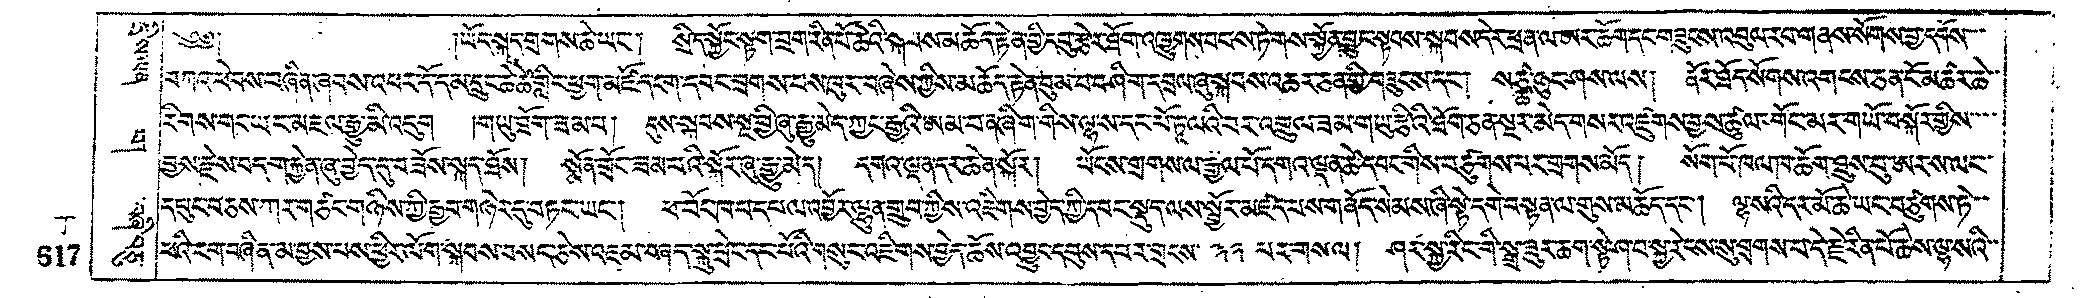༄༅། །ཡོད་སྐད་གྲགས་ཆེ་ཡང་། སྲིད་སྐྱོང་སྟག་བྲག་རིན་པོ་ཆེའི་སྐབས་མཆོད་རྟེན་གྱི་དབུ་རྩེར་ཐོག་འཁྱུགས་བབས་ཏེ་གསས་སྐྱོན་བྱུང་སྟབས་སྐབས་དེར་ཕྲན་ལ་ཨར་ཆོག་དང་གཟུངས་འབུལ་རབ་གནས་སོགས་བྱ་དགོས་་་
ཕ༹བཀའ་ཕེབས་བཞིན་ཞབས་འཕར་དོན་དམ་དྲུང་ཆེ་ཚེ་གླིང་ཕྱག་མཛོད་ངག་དབང་གྲགས་པས་ཁུར་བཞེས་ཀྱིས་མཆོད་རྟེན་བུམ་པ་བཞིག་དབྲལ་ཞུ་སྐབས་འཆར་ཅན་གྱི་གཟུངས་དང་། སཙྪ་ཉུང་ཤས་ལས། ནོར་ཐོད་སོགས་འགངས་ཅན་ངོ་མཚར་ཆེ་་་
ཕ༹ྲིགས་གང་ཡང་མཇལ་རྒྱུ་མི་འདུག །གཡུ་ཐོག་ཟམ་པ། དུས་སྐབས་སྔ་ཕྱི་ཞུ་རྒྱུ་མེད་ཀྱང་རྒྱའི་ཨམ་བན་ཞིག་གིས་ལྷ་ས་དང་པོ་ཏཱ་ལའི་བར་འགྲུལ་ཟམ་གཡུ་རྩིའི་ཐོག་ཅན་སྔར་མེད་གསར་འཛུགས་བྱས་ཚུལ་༧གོང་མར་གཡོ་བསྐོར་གྱིས་་་
བྱས་རྗེས་བདག་རྐྱེན་ཞུ་བྱེད་དུ་བཟོས་སྐད་ཐོས། སྨོན་གྲོང་ཟམ་པའི་སྐོར་ཞུ་རྒྱུ་མེད། དགའ་ལྡན་དར་ཆེན་སྐོར། ཡོངས་གྲགས་ལ་རྒྱལ་པོ་དགའ་ལྡན་ཚེ་དབང་གིས་བཙུགས་པར་གྲགས་མོད། སོག་པོ་ཁལ་ཁ་ཆོག་ཐུས་བུ་ཨར་ས་ལང་་་
དཔུང་བཅས་ཀར་གཙང་གཉིས་ཀྱི་རྒྱབ་གཉེར་དུ་བཏང་ཡང་། ཕ་བོང་ཁ་པ་དཔལ་འབྱོར་ལྷུན་གྲུབ་ཀྱིས་འཇིགས་བྱེད་དབང་སྡུད་ལས་སྦྱོར་མཛད་པས་གནོད་སེམས་ཞི་སྡེ་དགེ་བསྟན་ལ་གུས་མཆོད་དང་། ལྷ་སའི་དར་མོ་ཆེ་ཡང་བཙུགས་ཏེ་་་
ཕའི་ངག་བཞིན་མ་བྱས་པས་ཕྱིར་ལོག་སྐབས་བསད་ཅེས་འཇམ་བཞད་སྐུ་ཕྲེང་དང་པོའི་གསུང་འཇིགས་བྱེད་ཆོས་འབྱུང་དབུས་དཔར་གྲངས ༣༢་པར་གསལ། ཤར་སྐྱ་རིང་གི་སྒྲ་ཟུར་ཆག་སྟེ་ཤ་བ་སྐྱ་རེངས་སུ་གྲགས་པ་དེ་རྗེ་རིན་པོ་ཆེས་ལྷ་སའི་་་